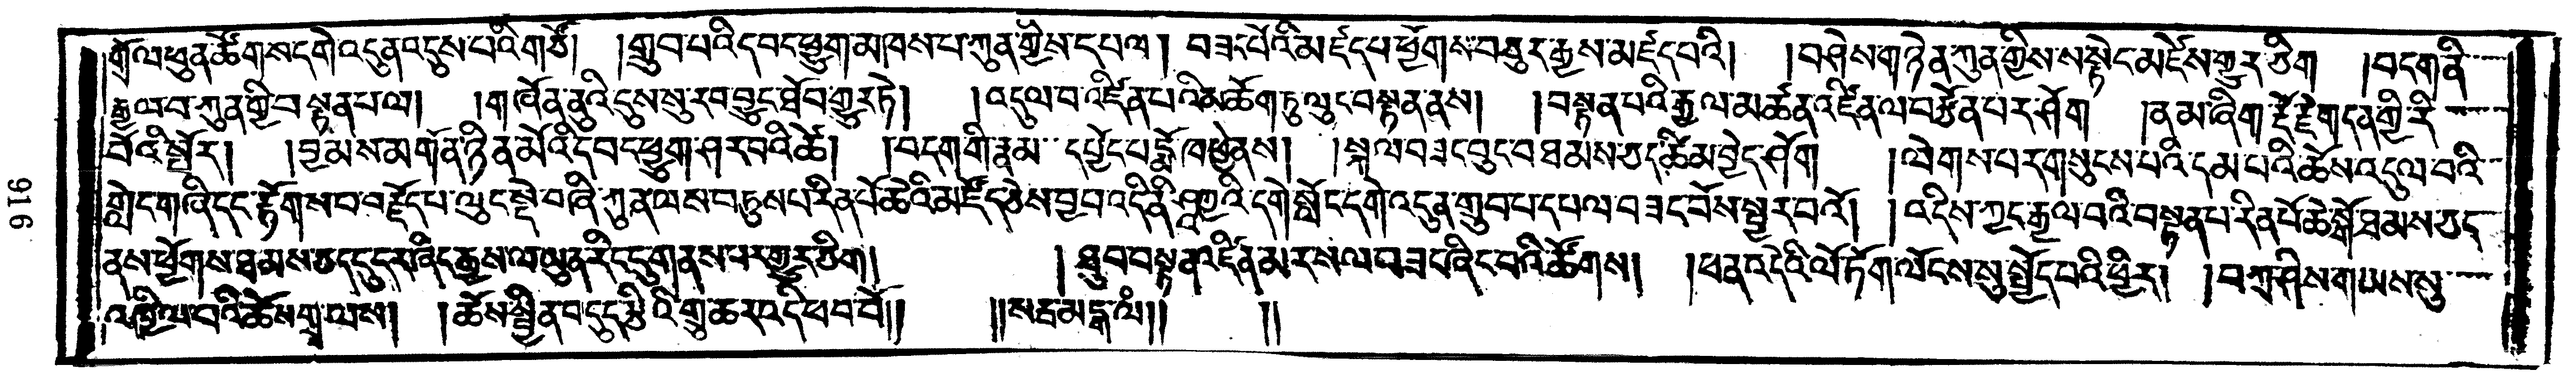གྲོལ་ཕུན་ཚོགས་དགེ་འདུན་འདུས་པའི་གཙོ། །གྲུབ་པའི་དབང་ཕྱུག་མཁས་པ་ཀུན་གྱིས་དཔལ། བཟང་པོའི་མཛད་པ་ཕྱོགས་བཅུར་རྒྱས་མཛད་པའི། །བཤེས་གཉེན་ཀུན་གྱིས་ས་སྟེང་མཛེས་གྱུར་ཅིག །བདག་ནི་
རྒྱལ་བ་ཀུན་གྱི་བསྟན་པ་ལ། །གཞོན་ནུའི་དུས་སུ་རབ་བྱུང་ཐོབ་གྱུར་ཏེ། །འདུལ་བ་འཛིན་པའི་མཆོག་ཏུ་ལུང་བསྟན་ནས། །བསྟན་པའི་རྒྱལ་མཚན་འཛིན་ལ་བརྩོན་པར་ཤོག །ནམ་ཞིག་རྡོ་རྗེ་གདན་གྱི་རི་
བོའི་སྤོར། །བྱམས་མགོན་ཉིན་མོའི་དབང་ཕྱུག་ཤར་བའི་ཚེ། །བདག་གི་རྣམ་དཔྱོད་པདམོ་ཁ་ཕྱེ་ནས། །སྐལ་བཟང་བུང་བ་ཐམས་ཅད་ཚིམ་བྱེད་ཤོག །ལེགས་པར་གསུངས་པའི་དམ་པའི་ཆོས་འདུལ་བའི་
གླེང་གཞི་དང་རྟོགས་པ་བརྗོད་པ་ལུང་སྡེ་བཞི་ཀུན་ལས་བཏུས་པ་རིན་པོ་ཆེའི་མཛོད་ཅེས་བྱ་བ་འདི་ནི་ཤཱཀྱའི་དགེ་སློང་དགེ་འདུན་གྲུབ་པ་དཔལ་བཟང་པོས་སྦྱར་བའོ། །འདིས་ཀྱང་རྒྱལ་བའི་བསྟན་པ་རིན་པོ་ཆེ་སྒོ་ཐམས་ཅད་
ནས་ཕྱོགས་ཐམས་ཅད་དུ་དར་ཞིང་རྒྱས་ལ་ཡུན་རིང་དུ་གནས་པར་གྱུར་ཅིག། །ཐུབ་བསྟན་འཛིན་མར་སལ་བཟང་ཞིང་པའི་ཚོགས། །ཕན་འདེའི་ལོ་ཏོག་ལོངས་སུ་སྤྱོད་པའི་ཕྱིར། །བཀྲ་ཤིས་གཡས་སུ་
འཁྱིལ་བའི་ཆོས་གྲྭ་ལས། །ཆོས་སྦྱིན་བདུད་རྩིའི་གྲུ་ཆར་འདི་ཕབ་བོ།། །སརྦ་མངྒ་ལཾ།། །།